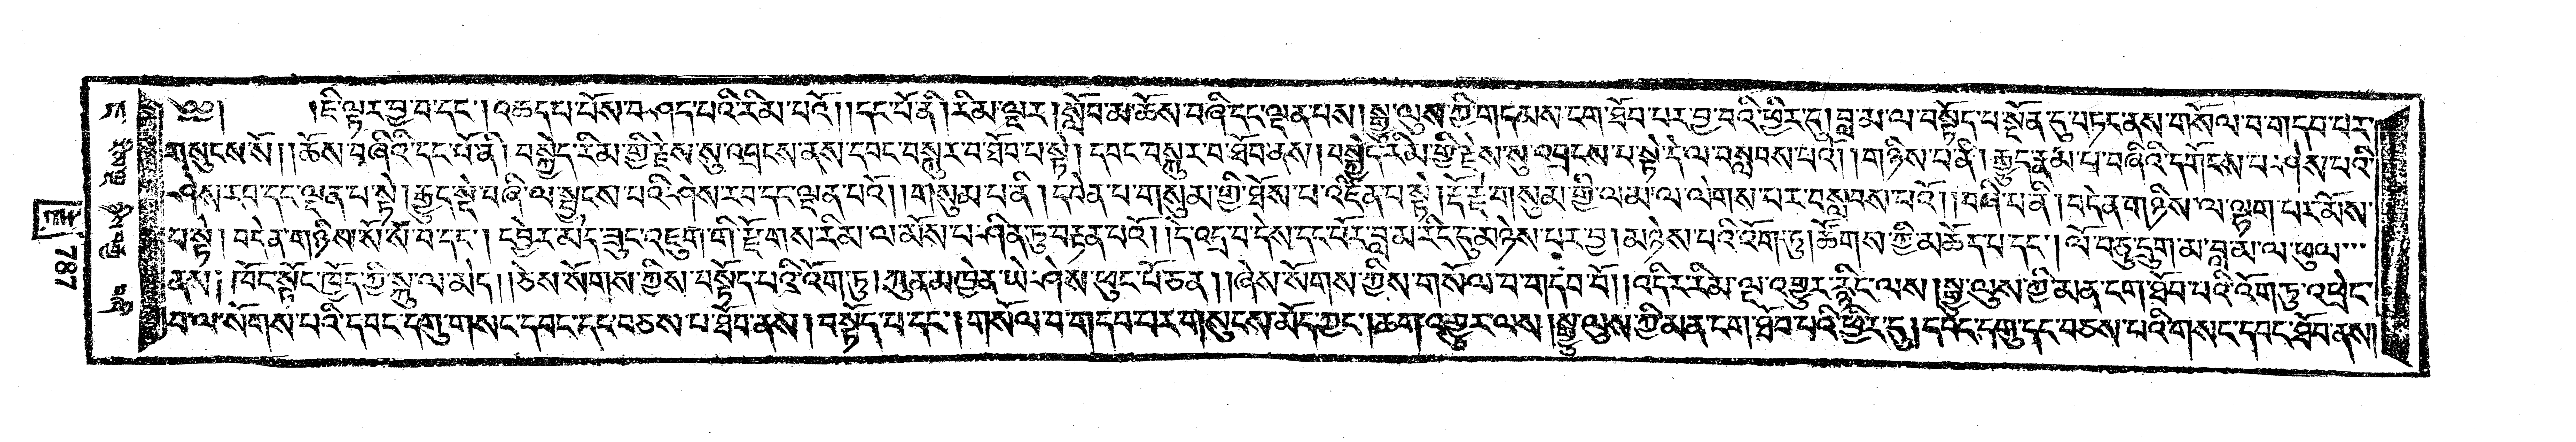༄༅། །ཇི་ལྟར་བྱ་བ་དང་། འཆད་པ་པོས་བཤད་པའི་རིམ་པའོ། །དང་པོ་ནི། རིམ་ལྔར། སློབ་མ་ཆོས་བཞི་དང་ལྡན་པས། སྒྱུ་ལུས་ཀྱ་གདམས་ངག་ཐོབ་པར་བྱ་བའི་ཕྱིར་དུ། བླ་མ་ལ་བསྟོད་པ་སྔོན་དུ་བཏང་ནས་གསོལ་བ་གདབ་པར་
གསུངས་སོ། །ཆོས་བཞིའི་དང་པོ་ནི། བསྐྱེད་རིམ་གྱི་རྗེས་སུ་འབྲངས་ནས་དབང་བསྐུར་བ་ཐོབ་པ་སྟེ། དབང་བསྐུར་བ་ཐོབ་ནས་། བསྐྱེད་རིམ་གྱི་རྗེས་སུ་འབྲངས་པ་སྟེ་དེ་ལ་བསླབས་པའོ། །གཉིས་པ་ནི། རྒྱུད་རྣམ་པ་བཞིའི་དགོངས་པ་ཤེས་པའི་
ཤེས་རབ་དང་ལྡན་པ་སྟེ། རྒྱུད་སྡེ་བཞི་ལ་སྦྱངས་པའི་ཤེས་རབ་དང་ལྡན་པོའོ། །གསུམ་པ་ནི། དབེན་པ་གསུམ་གྱི་ཐོས་པ་འཛིན་པ་སྟེ། རྡོ་རྗེ་གསུམ་གྱི་ལམ་ལ་ལེགས་པར་བསླབས་པའོ། བཞི་པ་ནི། བདེན་གཉིས་ལ་ལྷག་པར་མོས་
པ་སྟེ། བདེན་གཉིས་སོ་སོ་བ་དང་། དབྱེར་མེད་ཟུང་འཇུག་གི་རྫོགས་རིམ་ལ་མོས་པ་ཤིན་ཏུ་བརྟན་པའོ། །དེ་འདྲ་བ་དེས་དང་པོར་བླ་མ་རིང་དུ་མཉེས་པར་བྱ། མཉེས་པའི་འོག་ཏུ། ཚོགས་ཀྱི་མཆོད་པ་དང་། ལོ་བཅུ་དྲུག་མ་བླ་མ་ལ་ཕུལ་
ནས། ཁོང་སྟོང་ཁྱོད་ཀྱི་སྐུ་ལ་མེད། །ཅེས་སོགས་ཀྱིས་བསྟོད་པའི་འོག་ཏུ། ཀུན་མཁྱེན་ཡེ་ཤེས་ཕུང་པོ་ཅན། །ཞེས་སོགས་ཀྱིས་གསོལ་བ་གདབ་བོ། །འདིར་རིམ་ལྔ་འགྱུར་རྙིང་ལས། སྒྱུ་ལུས་ཀྱི་མན་ངག་ཐོབ་པའི་འོག་ཏུ་འཕྲེང་
བ་ལ་སོགས་པའི་དབང་དགུ་གསང་དབང་དང་བཅས་པ་ཐོབ་ནས། བསྟོད་པ་དང་། གསོལ་བ་གདབ་པར་གསུངས་མོད་ཀྱང་། ཆག་འགྱུར་ལས། སྒྱུ་ལུས་ཀྱི་མན་ངག་ཐོབ་པའི་ཕྱིར་དུ། དབང་དགུ་དང་བཅས་པའི་གསང་དབང་ཐོབ་ནས།